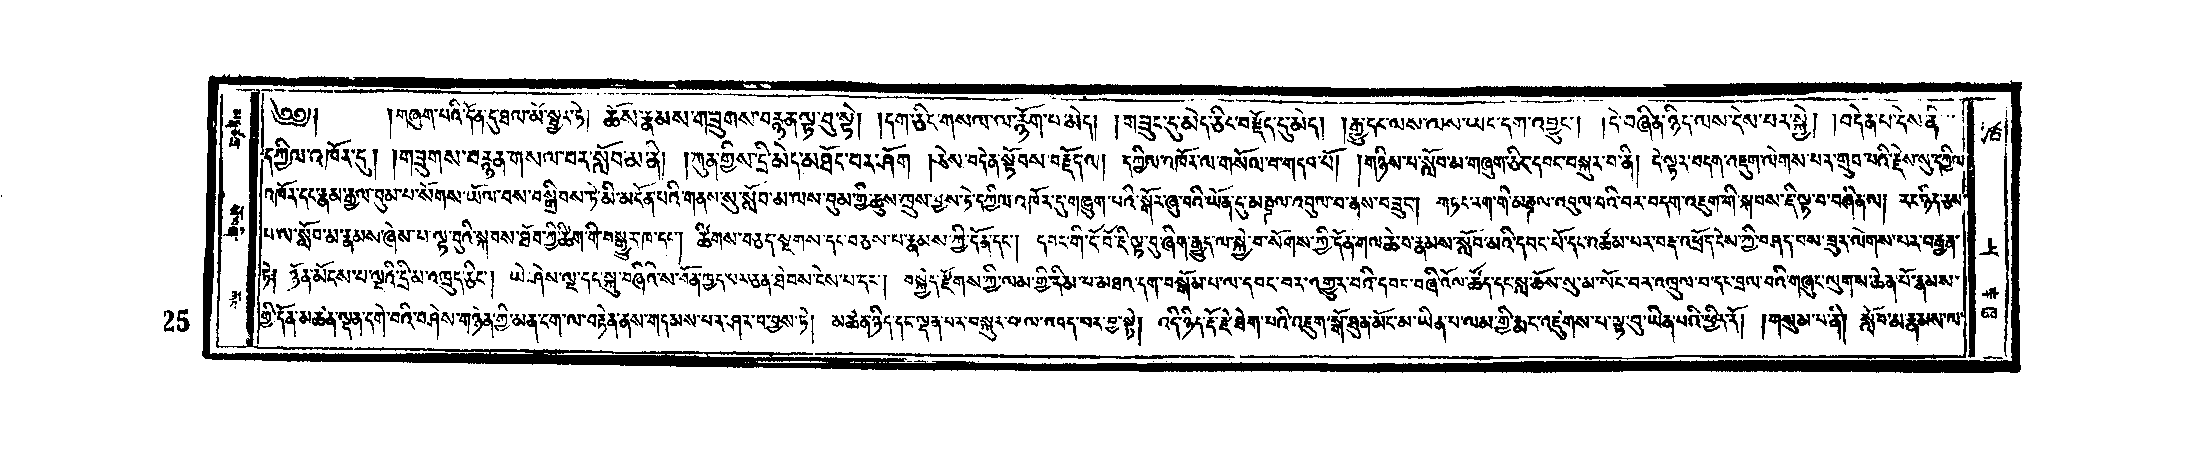༄༅། །གཞུག་པའི་དོན་དུ་ཐལ་མོ་སྦྱར་ཏེ། ཆོས་རྣམས་གཟུགས་བརྙན་ལྟ་བུ་སྟེ། །དག་ཅིང་གསལ་ལ་རྙོག་པ་མེད། །གཟུང་དུ་མེད་ཅིང་བརྗོད་དུ་མེད། །རྒྱུ་དང་ལས་ལས་ཡང་དག་འབྱུང་། །དེ་བཞིན་ཉིད་ལས་ངེས་པར་སྐྱེ། །བདེན་པ་དེས་ནི་
དཀྱིལ་འཁོར་དུ། །གཟུགས་བརྙན་གསལ་བར་སློབ་མ་ནི། །ཀུན་གྱིས་དྲི་མེད་མཐོང་བར་ཤོག །ཅེས་བདེན་སྟོབས་བརྗོད་ལ། དཀྱིལ་འཁོར་ལ་གསོལ་བ་གདབ་པོ། །གཉིས་པ་སློབ་མ་གཞུག་ཅིང་དབང་བསྐུར་བ་ནི། དེ་ལྟར་བདག་འཇུག་ལེགས་པར་གྲུབ་པའི་རྗེས་སུ་དཀྱིལ་
འཁོར་དང་རྣམ་རྒྱལ་བུམ་པ་སོགས་ཡོལ་བས་བསྒྲིབས་ཏེ་མི་མངོན་པའི་གནས་སུ་སློབ་མ་ལས་བུམ་གྱི་ཆུས་ཁྲུས་བྱས་ཏེ་དཀྱིལ་འཁོར་དུ་གཞུག་པའི་སྒོར་ཞུ་བའི་ཡོན་དུ་མཎྜལ་འབུལ་བ་ནས་བཟུང་། གཏང་རག་གི་མཎྜལ་འབུལ་བའི་བར་བདག་འཇུག་གི་སྐབས་ཇི་ལྟ་བ་བཞིན་ལ། རང་ཉིད་ཅས་
པ་ལ་སློབ་མ་རྣམས་ཞེས་པ་ལྟ་བུའི་སྐབས་ཐོབ་ཀྱི་ཚིག་གི་བསྒྱུར་ཁ་དང་། ཚིགས་བཅད་སྔགས་དང་བཅས་པ་རྣམས་ཀྱི་དོན་དང་། དབང་གི་ངོ་བོ་ཇི་ལྟ་བུ་ཞིག་རྒྱུད་ལ་སྐྱེ་བ་སོགས་ཀྱི་དོན་གལ་ཆེ་བ་རྣམས་སློབ་མའི་དབང་པོ་དང་འཚམ་པར་བརྡ་འཕྲོད་ངེས་ཀྱི་བཤད་པས་ཟུར་ལེགས་པར་བརྒྱན་
ཏེ། ཉོན་མོངས་པ་ལྔའི་དྲི་མ་འཁྲུད་ཅིང་། ཡེ་ཤེས་ལྔ་དང་སྐུ་བཞིའི་ས་བོན་ཁྱད་པར་ཅན་ཐེབས་ངེས་པ་དང་། བསྐྱེད་རྫོགས་ཀྱི་ལམ་གྱི་རིམ་པ་མཐའ་དག་བསྒོམ་པ་ལ་དབང་བར་འགྱུར་བའི་དབང་བཞི་འོལ་ཚོད་དང་སླ་ཆོས་སུ་མ་སོང་བར་འཁྲུལ་བ་དང་བྲལ་བའི་གཞུང་ལུགས་ཆེན་པོ་རྣམས་
གྱི་དོན་མཚན་ལྡན་དགེ་བའི་བཤེས་གཉེན་གྱི་མན་ངག་ལ་བརྟེན་ནས་གདམས་པར་ཤར་བ་བྱས་ཏེ། མཚན་ཉིད་དང་ལྡན་པར་བསྐུར་བ་ལ་འབད་པར་བྱ་སྟེ། འདི་ཉིད་རྡོ་རྗེ་ཐེག་པའི་འཇུག་སྒོ་ཐུན་མོང་མ་ཡིན་པ་ལམ་གྱི་རྨང་འཛུགས་པ་ལྟ་བུ་ཡིན་པའི་ཕྱིར་རོ། །གསུམ་པ་ནི། སློབ་མ་རྣམས་ལ་